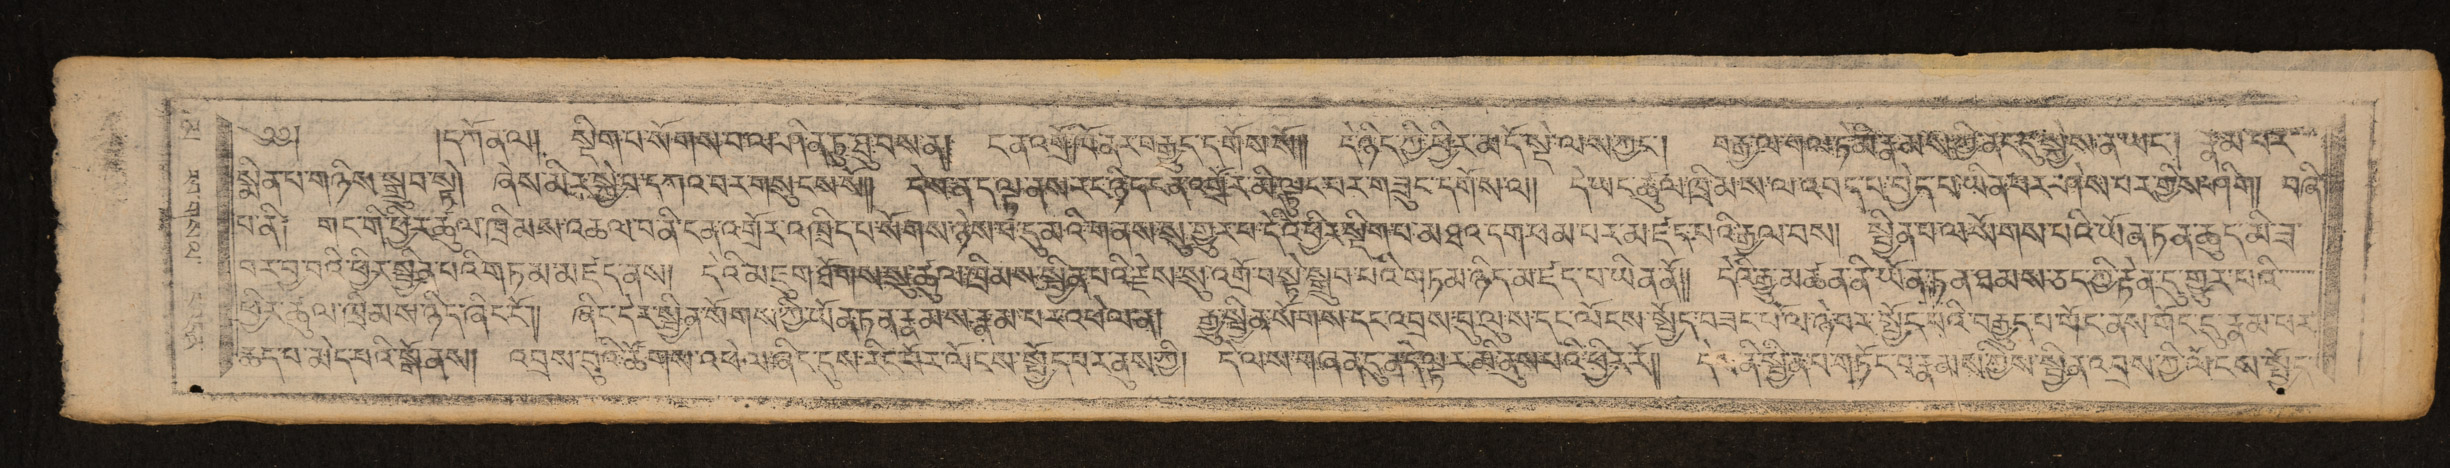༄༅། །དཀོན་ལ། སྡིག་པ་སོགས་པ་ལ་ཤིན་ཏུ་ཐུ་བས་ན། ངན་འགྲོ་ཁོ་ནར་བརྒྱུད་དགོས་སོ།། དེ་ཉིད་ཀྱི་ཕྱིར་མདོ་སྡེ་ལས་ཀྱང་། བརྒྱ་ལ་གལ་ཏེ་མི་རྣམས་ཀྱི་ནང་དུ་སྐྱེས་ན་ཡང་། རྣམ་པར་
སྨིན་པ་གཉིས་སྒྲུབ་སྟེ། ཞེས་མིར་སྐྱེ་བ་དཀའ་བར་གསུངས་སོ།། དེས་ན་ད་ལྟ་ནས་རང་ཉིད་ངན་འགྲོར་མི་ལྟུང་བར་གཟུང་དགོས་ལ། དེ་ཡང་ཚུལ་ཁྲིམས་ལ་འབད་པ་བྱེད་པ་ཡིན་བར་ཤེས་པར་གྱིས་ཤིག། བཞི་
པ་ནི༑ གང་གི་ཕྱིར་ཚུལ་ཁྲིམས་འཆལ་བ་ནི་ངན་འགྲོར་འཁྲིད་པ་སོགས་ཉེས་པ་དུ་མའི་གནས་སུ་གྱུར་པ་དེའི་ཕྱིར་སྡིག་པ་མཐའ་དག་ཕམ་པར་མཛད་པའི་རྒྱལ་བས། སྦྱིན་པ་ལ་སོགས་པའི་ཡོན་ཏན་ཆུད་མི་ཟ་
བར་བྱ་བའི་ཕྱིར་སྦྱིན་པའི་གཏམ་མཛད་ནས། དེའི་མཇུག་ཐོགས་སུ་ཚུལ་ཁྲིམས་སྦྱིན་པའི་རྗེས་སུ་འགྲོ་བ་སྟེ་སྒྲུབ་པའི་གཏམ་ཉིད་མཛད་པ་ཡིན་ནོ།། དེའི་རྒྱུ་མཚན་ནི་ཡོན་ཏན་ཐམས་ཅད་ཀྱི་རྟེན་དུ་གྱུར་པའི་
ཕྱིར་ཚུལ་ཁྲིམས་ཉིད་ཞིང་ངོ།། ཞིང་དེར་སྦྱིན་སོགས་ཀྱི་ཡོན་ཏན་རྣམས་རྣམ་པར་འཕེལ་ན། རྒྱུ་སྦྱིན་སོགས་དང་འབྲས་བུ་ལུས་དང་ལོངས་སྤྱོད་བཟང་པོ་ལ་ཉེ་བར་སྤྱོད་པའི་བརྒྱུད་པ་གོང་ནས་གོང་དུ་རྣམ་པར་
ཆད་པ་མེད་པའི་སྒོ་ནས། འབྲས་བུའི་ཚོགས་འཕེལ་ཞིང་དུས་རིང་པོར་ལོངས་སྤྱོད་པར་ནུས་ཀྱི། དེ་ལས་གཞན་དུ་ན་དེ་ལྟར་མི་ནུས་པའི་ཕྱིར་རོ།། དེས་ནི་སྦྱིན་པ་གཏོང་བ་རྣམས་ཀྱིས་སྦྱིན་འབྲས་ཀྱི་ལོངས་སྤྱོད་